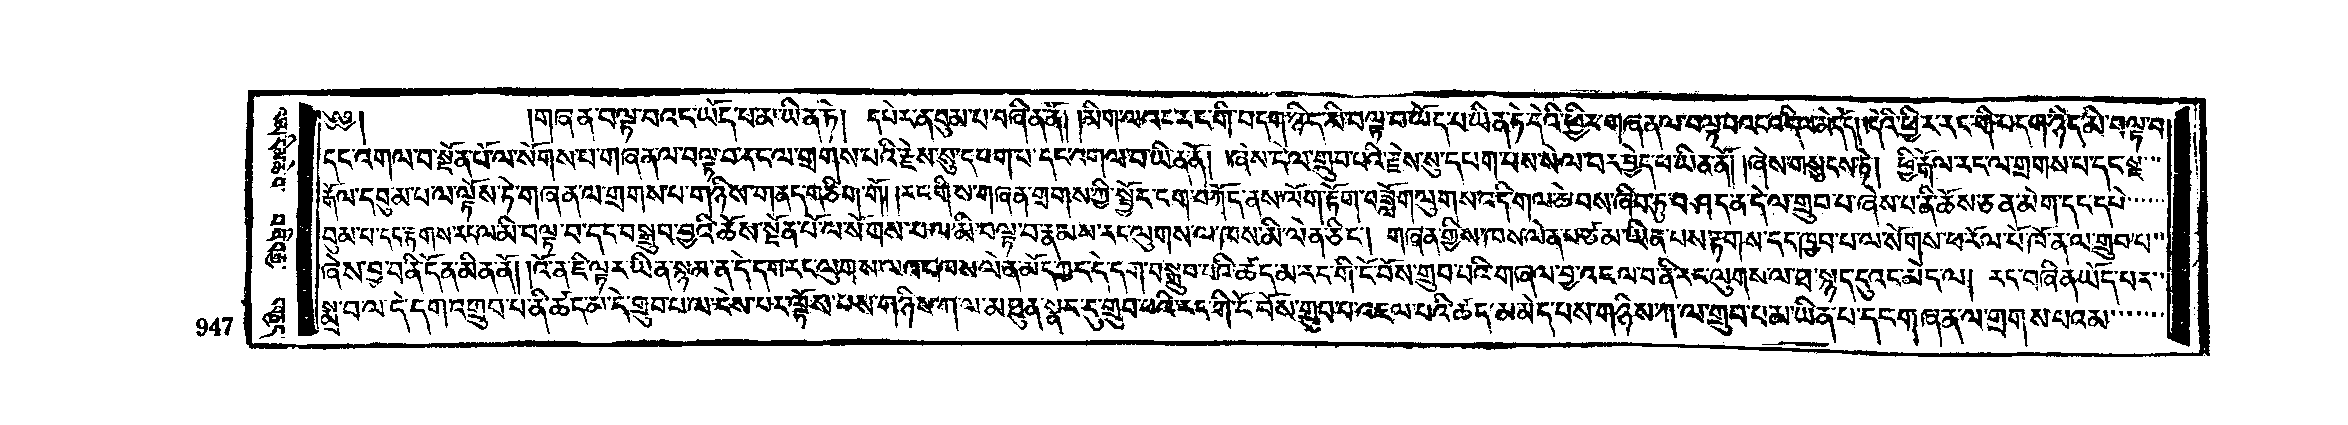༄༅། །གཞན་བལྟ་བའང་ཡོད་པ་མ་ཡིན་ཏེ། དཔེར་ན་བུམ་པ་བཞིན་ནོ། །མིག་ལའང་རང་གི་བདག་ཉིད་མི་བལྟ་བ་ཡོད་པ་ཡིན་ཏེ་དེའི་ཕྱིར་གཞན་ལ་བལྟ་བའང་འདི་ལ་མེད་དོ། །དེའི་ཕྱིར་རང་གི་བདག་ཉིད་མི་བལྟ་བ་
དང་འགལ་བ་སྔོན་པོ་ལ་སོགས་པ་གཞན་ལ་བལྟ་བ་རང་ལ་གྲགས་པའི་རྗེས་སུ་དཔག་པ་དང་འགལ་བ་ཡིན་ནོ། །ཞེས་དེ་ལ་གྲུབ་པའི་རྗེས་སུ་དཔག་པས་སེལ་བར་བྱེད་པ་ཡིན་ནོ། །ཞེས་གསུངས་ཏེ། ཕྱི་རྒོལ་རང་ལ་གྲགས་པ་དང་སྔ་
རྒོལ་དབུ་མ་པ་ལ་ལྟོས་ཏེ་གཞན་ལ་གྲགས་པ་གཉིས་གནད་གཅིག་གོ། །རང་གིས་གཞན་གྲགས་ཀྱི་སྦྱོར་ངག་བཀོད་ནས་ལོག་རྟོག་བཟློག་ལུགས་འདི་གལ་ཆེ་བས་ཞིབ་ཏུ་བཤད་ན་དེ་ལ་གྲུབ་པ་ཞེས་པ་ནི་ཆོས་ཅན་མིག་དང་དཔེ་
བུམ་པ་དང་རྟགས་རང་ལ་མི་བལྟ་བ་དང་བསྒྲུབ་བྱའི་ཆོས་སྔོན་པོ་ལ་སོགས་པ་ལ་མི་བལྟ་བ་རྣམས་རང་ལུགས་ལ་ཁས་མི་ལེན་ཅིང་། གཞན་གྱིས་ཁས་ལེན་པ་ཙམ་ཡིན་པས་རྟགས་དང་ཁྱབ་པ་ལ་སོགས་ཕ་རོལ་པོ་ཁོ་ན་ལ་གྲུབ་པ་
ཞེས་བྱ་བ་ནི་དོན་མིན་ནོ། །འོ་ན་ཇི་ལྟར་ཡིན་སྙམ་ན་དེ་དག་རང་ལུགས་ལའང་ཁས་ལེན་མོད་ཀྱང་དེ་དག་བསྒྲུབ་པའི་ཚད་མ་རང་གི་ངོ་བོས་གྲུབ་པའི་གཞལ་བྱ་འཇལ་བ་ནི་རང་ལུགས་ལ་ཐ་སྙད་དུའང་མེད་ལ། རང་བཞིན་ཡོད་པར་
སྨྲ་བ་ལ་དེ་དག་འགྲུབ་པ་ནི་ཚད་མ་དེ་གྲུབ་པ་ལ་ངེས་པར་ལྟོས་པས་གཉིས་ཀ་ལ་མཐུན་སྣང་དུ་གྲུབ་པའི་རང་གི་ངོ་བོས་གྲུབ་པའི་འཇལ་བའི་ཚད་མ་མེད་པས་གཉིས་ཀ་ལ་གྲུབ་པ་མ་ཡིན་པ་དང་གཞན་ལ་གྲགས་པའམ་